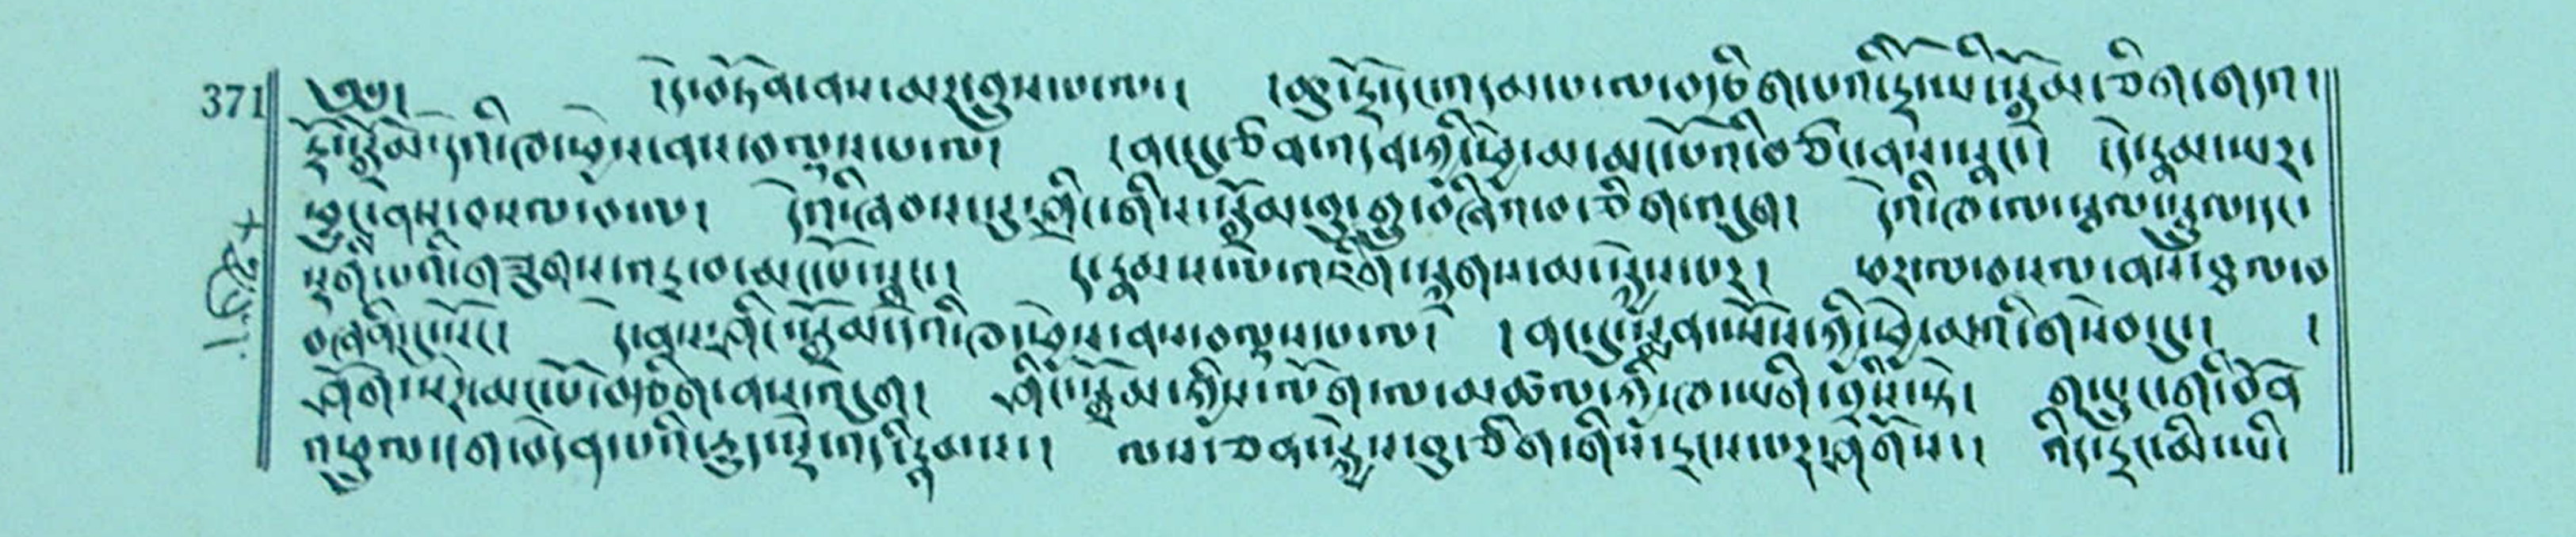༄༅། །དེ་བཏོན་ནས་མར་བྲུས་པ་ལ། ཆུ་དྲོ་དང་འདམ་པ་ལ་བརྩིགས་པའི་རྡོ་ཡི་སྒྲོམ་ཅིག་གདའ། 
རྡོ་སྒྲོམ་དེའི་ཁ་ཕྱེ་ནས་བལྟས་པ་ལ། ནང་དུ་ཙན་དན་གྱི་ཕྱེ་མ་མང་པོའི་བཙངས་ནས། དེ་རྣམས་ཡར་
ཕྱུང་ནས་བསལ་བ་ལ། དེའི་ཞབས་སུ་ཤིང་གི་སྒྲོམ་བུ་གྲུ་བཞིའ་བ་ཅིག་འདུག དེའི་ཁ་ལ་སྦལ་སྦྲུལ་དང་
སྡིག་པའི་གཟུགས་འདྲ་བ་མང་པོ་སྣང་། དེ་རྣམས་ལ་འཇིགས་སྐྲགས་མ་སྐྱེས་པར། ཕར་ལ་བསལ་ནས་ཐལ་བ་
བཞིན་དུ་སོང་། དེ་ནས་ཤིང་སྒྲོམ་དེའི་ཁ་ཕྱེས་ནས་བལྟས་པ་ལ། ནང་དུ་སྨན་སྤོས་ཀྱི་ཕྱེ་མའི་གསེབ་ཏུ། 
ཤོག་སེར་མང་པོ་བརྩིགས་ནས་འདུག ཤིང་སྒྲོམ་གྱིས་ལོག་ལ་མཚལ་གྱི་ཁ་ཡིག་བྲིས་ཏེ། གཡུང་དྲུང་གི་བོན་
འཕྲུལ་ངག་བདེན་པའི་རྒྱུད་སྡེ་འདི་རྣམས། ལས་ཅན་སྐྱེས་བུ་ཅིག་གིས་དྲངས་པར་ཤོག འདི་དྲངས་མི་ཡི་